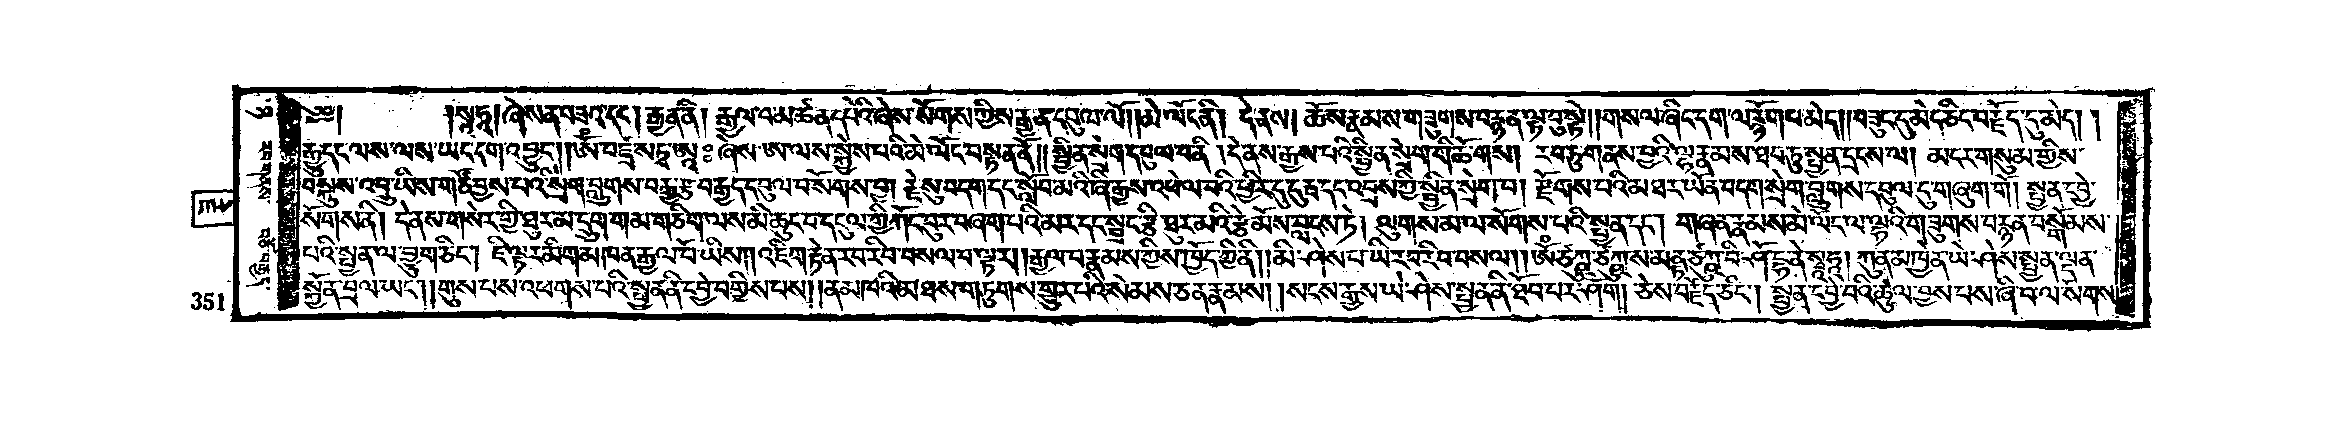༄༅། །སྭཱ་ཧཱ། ཞེས་ན་བཟའ་དང་། རྒྱན་ནི། རྒྱལ་བ་མཚན་དཔེའི་ཞེས་སོགས་ཀྱིས་རྒྱན་དབུལ་ལོ། །མེ་ལོང་ནི། དེ་ནས། ཆོས་རྣམས་གཟུགས་བརྙན་ལྟ་བུ་སྟེ། །གསལ་ཞིང་དག་ལ་རྙོག་པ་མེད། །བཟུང་དུ་མེད་ཅིང་བརྗོད་དུ་མེད། །
རྒྱུ་དང་ལས་ལས་ཡང་དག་འབྱུང་། །ཨོཾ་བཛྲ་སཏྭ་ཨཱཿ ཞེས་ཨ་ལས་སྐྱེས་པའི་མེ་ལོང་བསྟན་ནོ། །སྦྱིན་སྲེག་དབུལ་བ་ནི། དེ་ནས་རྒྱས་པའི་སྦྱིན་སྲེག་གི་ཚོགས། རབ་ཏུ་གནས་བྱའི་ལྷ་རྣམས་ཐབ་ཏུ་སྤྱན་དྲངས་ལ། མངར་གསུམ་གྱིས་
བསྐུས་འབྲུ་ཡིས་གཙོ་བྱས་པའི་སྲེག་བླུགས་བརྒྱ་རྩ་བརྒྱད་དབུལ་བ་སོགས་བྱ། རྗེས་སུ་བདག་དང་སློབ་མའི་ཞི་རྒྱས་འཕེལ་བའི་ཕྱིར་དུ་དུ་རྦ་དང་འབྲས་ཀྱི་སྦྱིན་སྲེག་བྱ། རྫོགས་པའི་མཐར་ཡོན་བདག་སྲེག་བླུགས་དབུལ་དུ་གཞུག་གོ །སྤྱན་དབྱེ་
སོགས་ནི། དེ་ནས་གསེར་གྱི་ཐུར་མ་དྲུག་གམ་གཅིག་ལས་མི་ཆུང་བ་དངུལ་གྱི་ཀོང་བུར་བཞག་པའི་མར་དང་སྦྲང་རྩི་ཐུར་མའི་རྩེ་མོས་བླངས་ཏེ། ལུགས་མ་ལ་སོགས་པའི་སྤྱན་དང་། གཞན་རྣམས་མེ་ལོང་ལ་ལྷའི་གཟུགས་བརྙན་བསྒོམས་
པའི་སྤྱན་ལ་བྱུག་ཅིང་། ཇི་ལྟར་མིག་མཁན་རྒྱལ་པོ་ཡིས། །འཇིག་རྟེན་རབ་རིབ་བསལ་བ་ལྟར། །རྒྱལ་བ་རྣམས་ཀྱིས་ཁྱོད་ཀྱི་ནི། །མི་ཤེས་པ་ཡི་རབ་རིབ་བསལ། །ཨོཾ་ཙཀྵུ་ཙཀྵུ་ས་མནྟ་བཟཀྵུ་བི་ཤོ་དྷ་ནེ་སྭཱ་ཧཱ། ཀུན་མཁྱེན་ཡེ་ཤེས་སྤྱན་ལྡན་
སྐྱོན་བྲལ་ཡང་། །གུས་པས་འཕགས་པའི་སྤྱན་ནི་དབྱེ་བགྱིས་པས། །ནམ་མཁའི་མཐས་གཏུགས་གྱུར་པའི་སེམས་ཅན་རྣམས། །སངས་རྒྱས་ཡེ་ཤེས་སྤྱན་ནི་ཐོབ་པར་ཤོག །ཅེས་བརྗོད་ཅིང་། སྤྱན་དབྱེ་བའི་ཚུལ་བྱས་པས་ཞི་བ་ལ་སོགས་